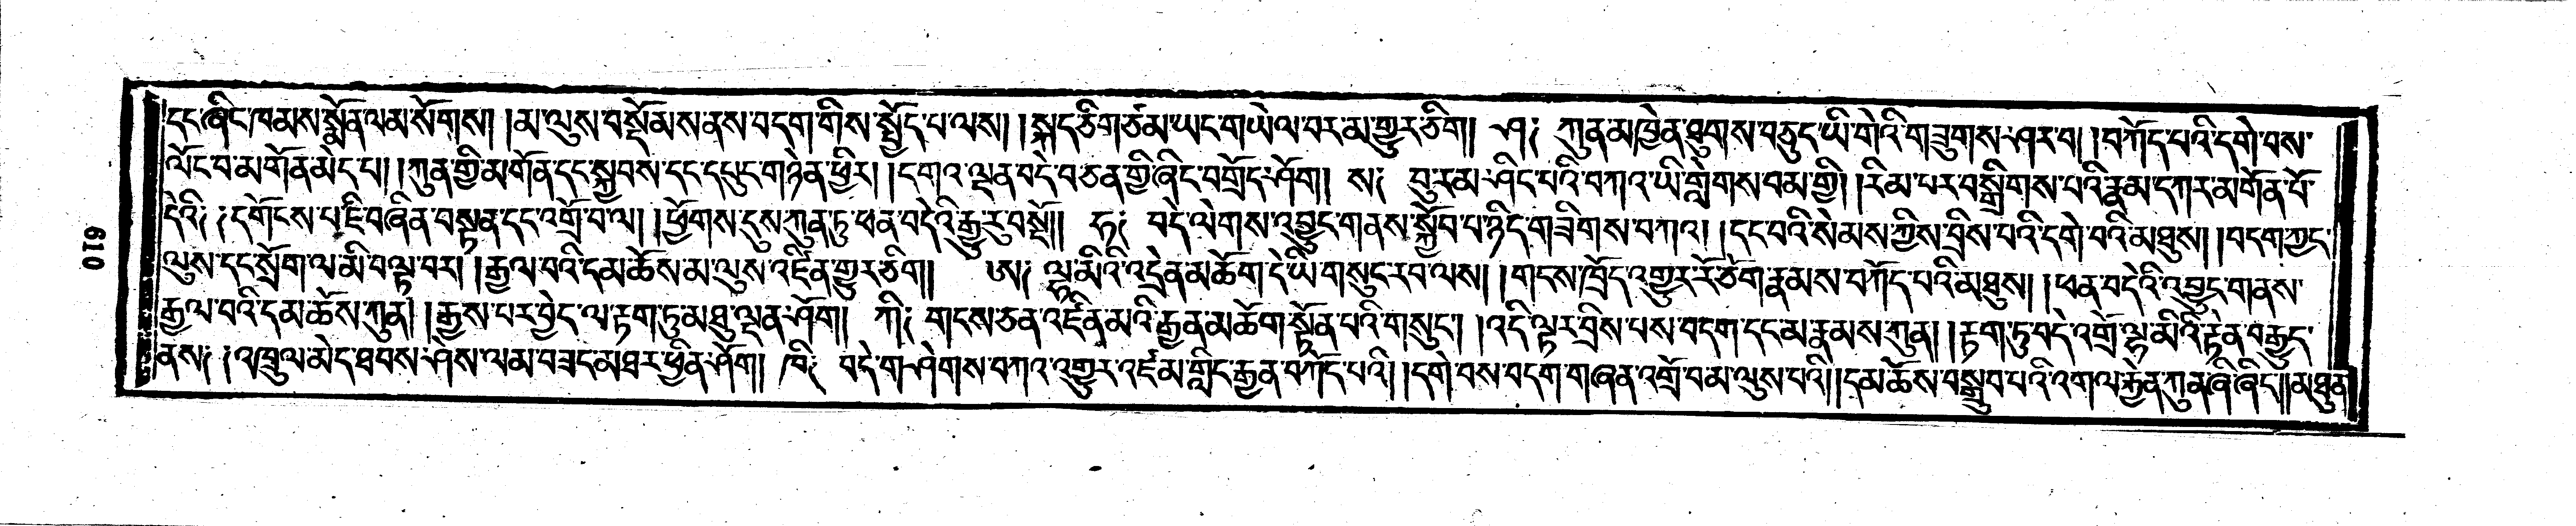དང་ཞིང་ཁམས་སྨོན་ལམ་སོགས། །མ་ལུས་བསྡོམས་ནས་བདག་གིས་སྤྱོད་པ་ལས། །སྐད་ཅིག་ཙམ་ཡང་གཡེལ་བར་མ་གྱུར་ཅིག །ཤ༑ ཀུན་མཁྱེན་ཐུགས་བཅུད་ཡི་གེའི་གཟུགས་ཤར་བ། །བཀོད་པའི་དགེ་བས་
ལོང་བ་མགོན་མེད་པ། །ཀུན་གྱི་མགོན་དང་སྐྱབས་དང་དཔུང་གཉེན་ཕྱིར། །དགའ་ལྡན་བདེ་བ་ཅན་གྱི་ཞིང་བགྲོད་ཤོག །ས༑ བུ་རམ་ཤིང་པའི་བཀའ་ཡི་གླེགས་བམ་གྱི། །རིམ་པར་བསྒྲིགས་པའི་རྣམ་དཀར་མགོན་པོ་
དེའི༑ ༑དགོངས་པ་ཇི་བཞིན་བསྟན་དང་འགྲོ་བ་ལ། །ཕྱོགས་དུས་ཀུན་ཏུ་ཕན་བདེའི་རྒྱུ་རུ་བསྔོ།། ཧ༑ བདེ་ལེགས་འབྱུང་གནས་སྐྱོབ་པ་ཉིད་གཟིགས་བཀའ། །དང་བའི་སེམས་ཀྱིས་བྲིས་པའི་དགེ་བའི་མཐུས། །བདག་ཀྱང་
ལུས་དང་སྲོག་ལ་མི་བལྟ་བར། །རྒྱལ་བའི་དམ་ཆོས་མ་ལུས་འཛིན་གྱུར་ཅིག །ཨ༑ ལྷ་མིའི་འདྲེན་མཆོག་དེ་ཡི་གསུང་རབ་ལས། །གངས་ཁྲོད་འགྱུར་རོ་ཅོག་རྣམས་བཀོད་པའི་མཐུས། །ཕན་བདེའི་འབྱུང་གནས་
རྒྱལ་བའི་དམ་ཆོས་ཀུན། །རྒྱས་པར་བྱེད་ལ་རྟག་ཏུ་མཐུ་ལྡན་ཤོག །ཀི༑ གངས་ཅན་འཛིན་མའི་རྒྱན་མཆོག་སྟོན་པའི་གསུང་། །འདི་ལྟར་བྲིས་པས་བདག་དང་མ་རྣམས་ཀུན། །རྟག་ཏུ་བདེ་འགྲོ་ལྷ་མིའི་རྟེན་བརྒྱུད་
ནས༑ ༑འཁྲུལ་མེད་ཐབས་ཤེས་ལམ་བཟང་མཐར་ཕྱིན་ཤོག །ཁི༑ བདེ་གཤེགས་བཀའ་འགྱུར་འཛམ་གླིང་རྒྱན་བཀོད་པའི། །དགེ་བས་བདག་གཞན་འགྲོ་བ་མ་ལུས་པའི། །དམ་ཆོས་བསྒྲུབ་པའི་འགལ་རྐྱེན་ཀུན་ཞི་ཞིང་། །མཐུན་